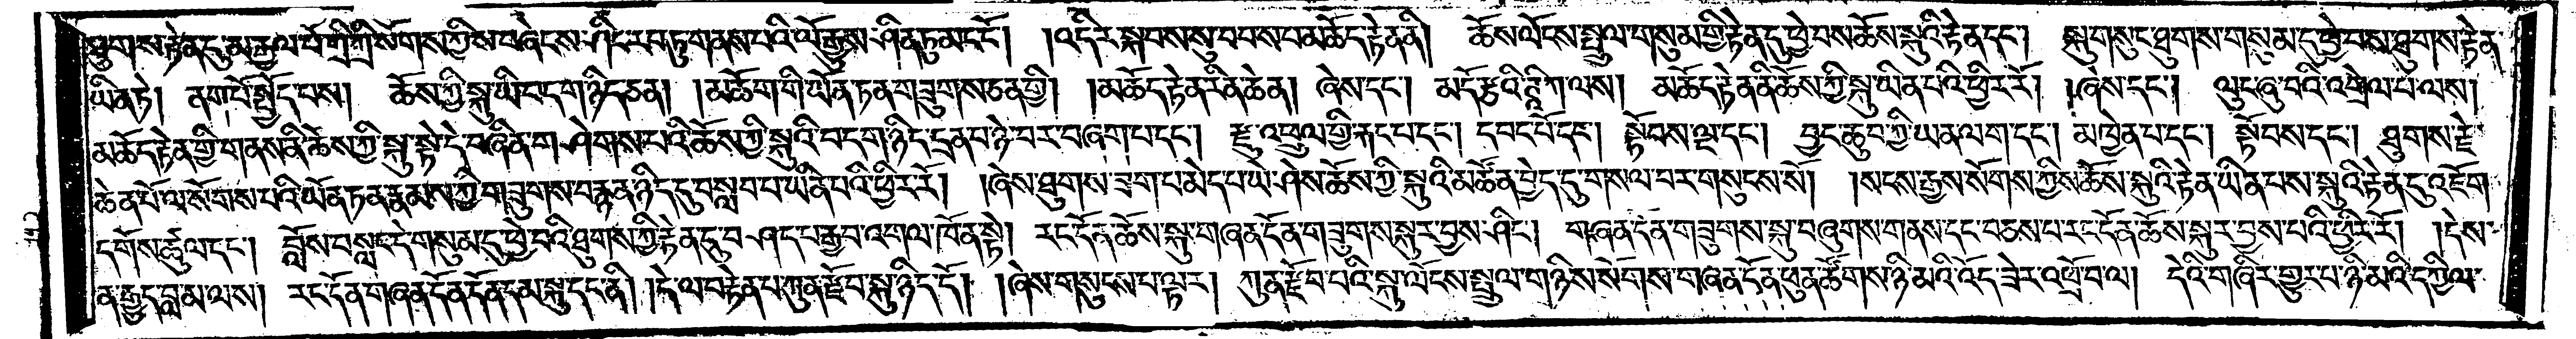ཐུགས་རྟེན་དུ་མ་རྒྱལ་པོ་ཀྲི་ཀྲི་སོགས་ཀྱིས་བཞེངས་ཤིང་རབ་ཏུ་གནས་པའི་ལོ་རྒྱུས་ཤིན་ཏུ་མང་ངོ། །འདིར་སྐབས་སུ་བབས་པ་མཆོད་རྟེན་ནི། ཆོས་ལོངས་སྦྲུལ་གསུམ་གྱི་རྟེན་དུ་ཕྱེ་བས་ཆོས་སྐུའི་རྟེན་དང་། སྐུ་གསུང་ཐུགས་གསུམ་དུ་ཕྱེ་བས་ཐུགས་རྟེན་
ཡིན་ཏེ། ནག་པོ་སྤྱོད་པས། ཆོས་ཀྱི་སྐུ་མི་བདག་ཉིད་ཅན། །མཆོག་གི་ཡོན་ཏན་གཟུགས་ཅན་གྱི། །མཆོད་རྟེན་རིན་ཆེན། ཞེས་དང་། མདོ་རྩའི་ཊཱི་ཀ་ལས། མཆོད་རྟེན་ནི་ཆོས་ཀྱི་སྐུ་ཡིན་པའི་ཕྱིར་རོ། །ཞེས་དང་། ལུང་ཞུ་བའི་འགྲེལ་པ་ལས།
མཆོད་རྟེན་གྱི་གནས་ནི་ཆོས་ཀྱི་སྐུ་སྟེ་དེ་བཞིན་གཤེགས་པའི་ཆོས་ཀྱི་སྐུའི་བདག་ཉིད་དྲན་པ་ཉེ་བར་བཞག་པ་དང་། རྫུ་འཕྲུལ་གྱི་རྐང་བ་དང་། དབང་པོ་དང་། སྟོབས་ལྔ་དང་། བྱང་ཆུབ་ཀྱི་ཡན་ལག་དང་། མཁྱེན་པ་དང་། སྟོབས་དང་། ཐུགས་རྗེ་
ཆེན་པོ་ལ་སོགས་པའི་ཡོན་ཏན་རྣམས་ཀྱི་གཟུགས་བརྙན་ཉིད་དུ་བསླབ་པ་ཡིན་པའི་ཕྱིར་རོ། །ཞེས་ཐུགས་ཟག་པ་མེད་པ་ཡེ་ཤེས་ཆོས་ཀྱི་སྐུའི་མཚོན་བྱེད་དུ་གསལ་བར་གསུངས་སོ། །སངས་རྒྱས་སོགས་ཀྱིས་ཆོས་སྐུའི་རྟེན་ཡིན་པས་སྐུའི་རྟེན་དུ་འཇོག་
དགོས་ཚུལ་དང་། བློས་བསླང་དེ་གསུམ་དུ་ཕྱེ་བའི་ཐུགས་ཀྱི་རྟེན་དུ་བཤད་པ་རྒྱབ་འགལ་ཁོ་ན་སྟེ། རང་དོན་ཆོས་སྐུ་གཞན་དོན་གཟུགས་སྐུར་བྱས་ཤིང་། གཞན་དོན་གཟུགས་སྐུ་བཞུགས་གནས་དང་བཅས་པ་རང་དོན་ཆོས་སྐུར་བྱས་པའི་ཕྱིར་རོ། །དེས་
ན་རྒྱུད་བླ་མ་ལས། རང་དོན་གཞན་དོན་དོན་དམ་སྐུ་དང་ནི། །དེ་ལ་བརྟེན་པ་ཀུན་རྫོབ་སྐུ་ཉིད་དོ། །ཞེས་གསུངས་པ་ལྟར། ཀུན་ན་རྫོབ་པའི་སྐུ་ལོངས་སྤྲུལ་གཉིས་སོགས་གཞན་དོན་ཕུན་ཚོགས་ཉི་མའི་འོད་ཟེར་འཕྲོ་བ་ལ། དེའི་གཞིར་གྱུར་པ་ཉི་མའི་དཀྱིལ་